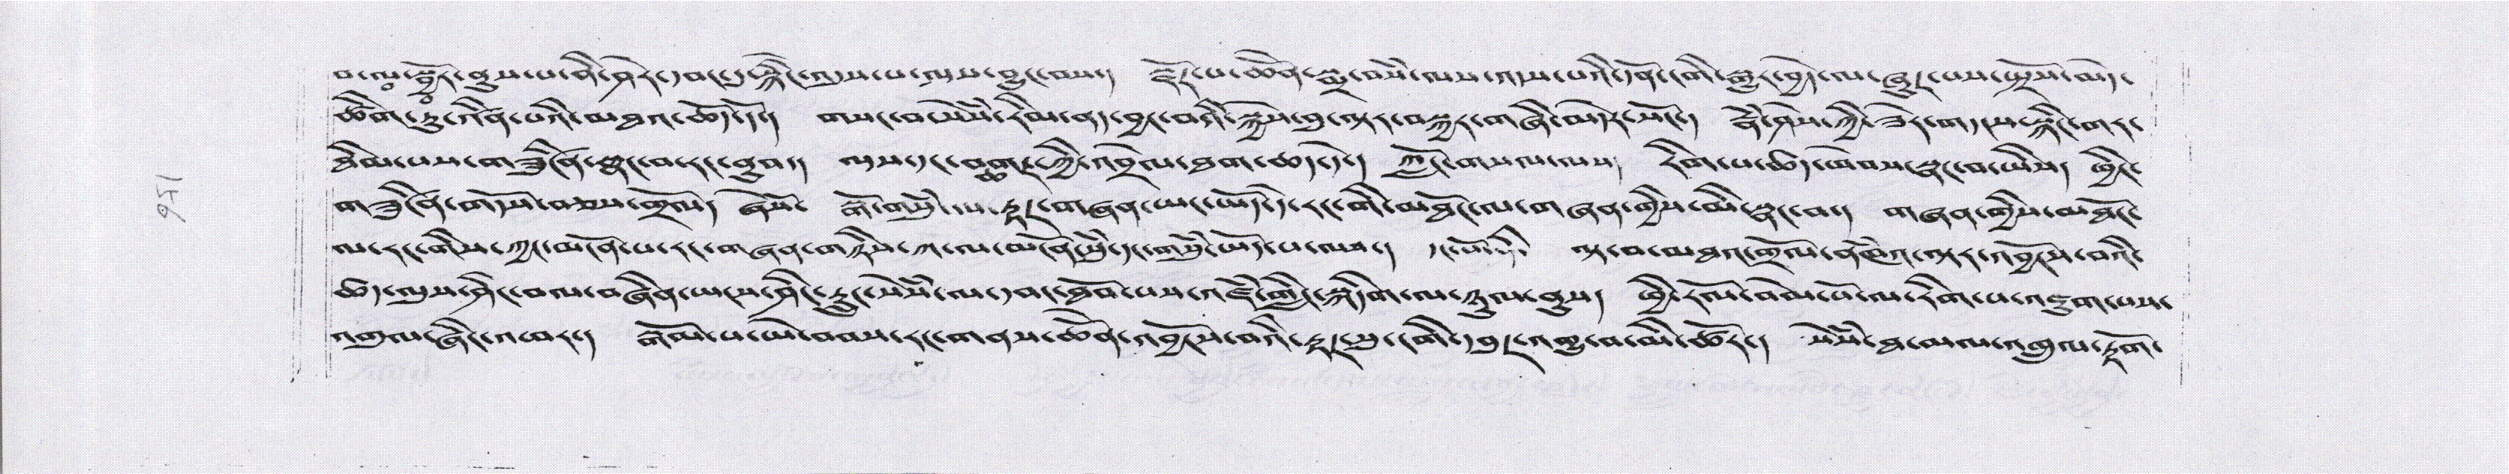བ་ལ་བསྒྱུར་ནུས་པ་ནི་ཤེར་དབང་དུ་སྙིང་རྗེ་འདུས་པ་ལས་བྱུང་བས། རྫོགས་པ་ཆེན་པོ་སྨྲ་བསམ་ལས་འདས་པའི་དོན་ངག་གི་སྒྱུར་བྱེད་ལ་ཞུགས་པས་སྤྲོས་མེད་
ཚིག་ཏུ་འཛིན་པའི་མཐའ་ཆོད་དོ། གསང་བ་སེམས་རིམས་ནད་བྱང་བའི་སྐྱེས་བུ་ལྟར་བསྐྱར་གཞི་མེད་པར་སོང་། རྣམ་ཤེས་ཀྱི་ཟེར་གདངས་སྙིང་གར་
ཐིམ་པས། གཟུང་འཛིན་སྣང་བ་རང་ནུབ། ལས་དང་བག་ཆགས་ཀྱི་འབྲེལ་ཐག་ཆད་དེ། ཀློང་གསལ་ལས། རིག་པ་ཚད་ཕེབས་སྣང་བ་ཡིས། ཕྱི་ནང་
གཟུང་འཛིན་གདོས་བཅས་གྲོལ། ཞེས་སོ། སྒོ་གསུམ་ལ་རྟགས་གཞན་ཡང་ཡོད་དེ་ང་གིས་མཐོང་ལ་གཞན་གྱིས་མི་སྣང་བ། གཞན་གྱིས་མཐོང་
ལ་རང་གིས་ཀྱང་མངོན་པ། རང་གཞན་གཉིས་ཀ་ལ་མངོན་སུམ་དང་གསུམ་ཡོད་པ་ལས། དང་པོ་ནི། ལྟ་བ་མཐའ་གྲོལ་ནམ་མཁའ་ལྟར་འབྱོངས་པའི་
ཚད་ལུས་ཤིང་བལ་བཞིན་དུ་ཡངས་ཤིང་རླུང་སེམས་ལ་དབང་ཐོབ་པས་འཛམ་གླིང་སྐད་ཅིག་ལ་ཉུལ་ནུས། ཕྱི་རོལ་བེམ་པོ་ལ་རིག་པ་འཇུག་པས་
འགུལ་ཞིང་འཕར། སྒོམ་པ་ཡེ་བབས་རང་གནས་ཆེན་པོ་འབྱོངས་པའི་རྟགས་སུ་ངག་གི་དབུགས་འགྱུ་བ་མི་ཚོར། སེམས་ཐ་མལ་འཁྲུལ་རྟོག་